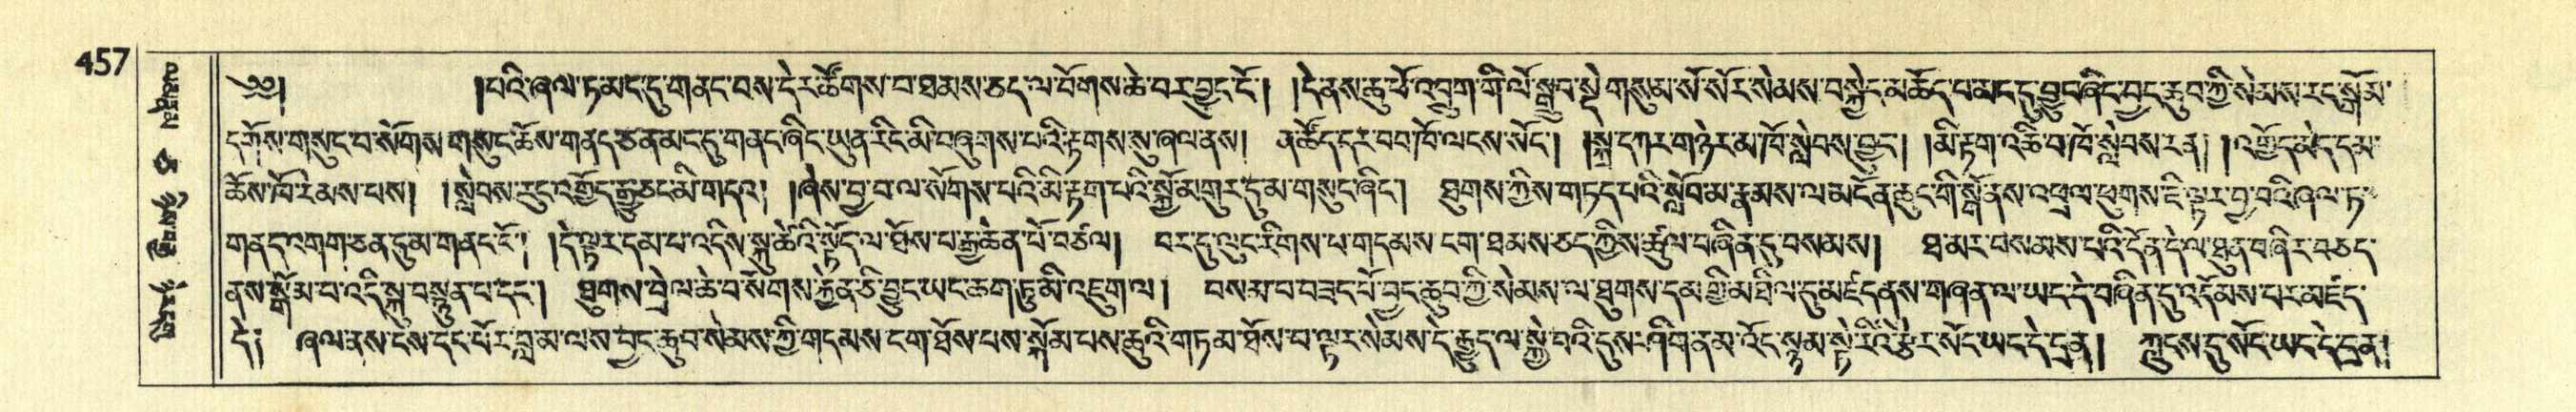༄༅། །པའི་ཞལ་ཏ་མང་དུ་གནང་བས་དེར་ཚོགས་པ་ཐམས་ཅད་ལ་བོགས་ཆེ་བར་བྱུང་ངོ། །དེ་ནས་ཆུ་ཕོ་འབྲུག་གི་ལོ་སྒྲུབ་སྡེ་གསུམ་སོ་སོར་སེམས་བསྐྱེད་མཆོད་པ་མང་དུ་བྱུང་ཞིང་བྱང་ཆུབ་ཀྱི་སེམས་རང་སྒོམ་
དགོས་གསུང་བ་སོགས་གསུང་ཆོས་གནད་ཅན་མང་དུ་གནང་ཞིང་ཡུན་རིང་མི་བཞུགས་པའི་རྟགས་སུ་ཞལ་ནས། ན་ཚོད་དར་བབ་ཁོ་ལངས་སོང་། །སྐྲ་དཀར་གཉེར་མ་ཁོ་སླེབས་བྱུང་། །མི་རྟག་འཆི་བ་ཁོ་སླེབས་རན། །འགྱོད་མེད་དམ་
ཆོས་ཁོ་རེམས་པས། །སླེབས་རུང་འགྱོད་རྒྱུ་ཅང་མི་གདའ། །ཞེས་བྱ་བ་ལ་སོགས་པའི་མི་རྟག་པའི་སྐྱོ་མགུར་དུ་མ་གསུང་ཞིང་། ཐུགས་ཀྱིས་གཏད་པའི་སློབ་མ་རྣམས་ལ་མངོན་ཆུང་གི་སྒོ་ནས་འཕྲལ་དུ་ཕུགས་ཇི་ལྟར་བྱ་བའི་ཞལ་ཏ་
གནད་འགག་ཅན་དུ་མ་གནང་ངོ། །དེ་ལྟར་དམ་པ་འདིས་སྐུ་ཚེའི་སྟོད་ལ་ཐོས་པ་རྒྱ་ཆེན་པོ་བཙལ། བར་དུ་ལུང་རིགས་པ་གདམས་ངག་ཐམས་ཅད་ཀྱིས་ཚུལ་བཞིན་དུ་བསམས། ཐ་མར་བསམས་པའི་དོན་དེ་ལ་ཐུན་བཞིར་བཅད་
ནས་སྒོམ་པ་འདི་སྐུ་བསྙུན་པ་དང་། ཐུགས་བྲེལ་ཆེ་པ་སོགས་རྐྱེན་ཅི་བྱུང་ཡང་ཆག་ཏུ་མི་འཇུག་ལ། བསམ་པ་བཟང་པོ་བྱང་ཆུབ་ཀྱི་སེམས་ལ་ཐུགས་དམ་གྱི་མཐིལ་དུ་མཛད་ནས་གཞན་ལ་ཡང་དེ་བཞིན་དུ་འདོམས་པར་མཛད་
དེ༑ ཞལ་ནས་ངས་དང་པོར་བླ་མ་ལས་བྱང་ཆུབ་སེམས་ཀྱི་གདམས་ངག་ཐོས་པས་སྐོམ་པས་ཆུའི་གཏམ་ཐོས་པ་ལྟར་སེམས་དེ་རྒྱུད་ལ་སྐྱེ་བའི་དུས་ཤིག་ནམ་འོང་སྙམ་སྟེ་རིའི་རྩེར་སོང་ཡང་དེ་དྲན། ཀླུངས་དུ་སོང་ཡང་དེ་དྲན།